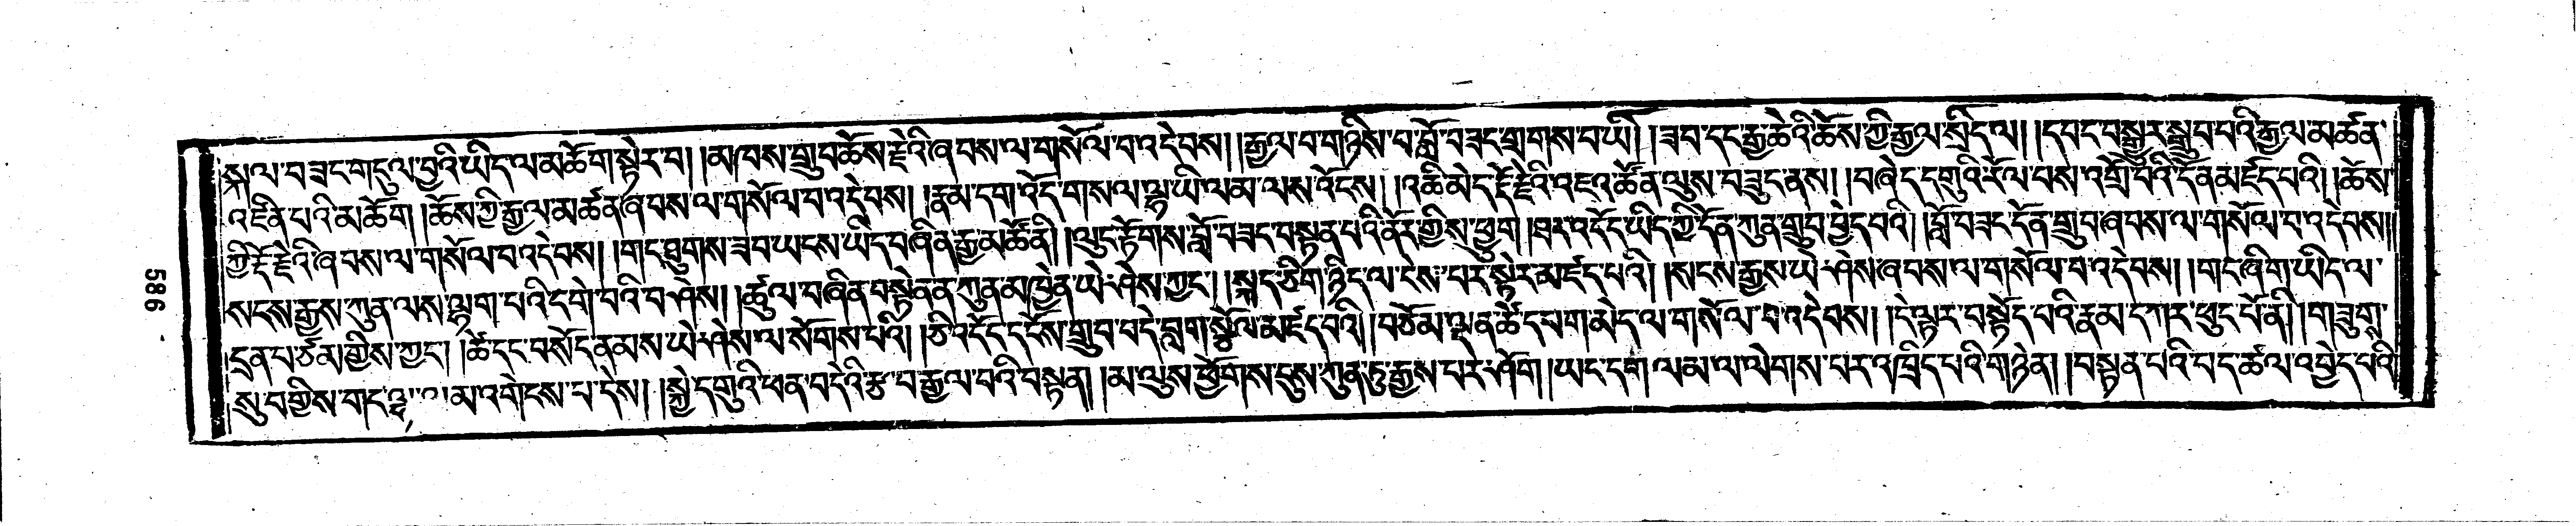སྐལ་བཟང་གདུལ་བྱའི་ཡིད་ལ་མཆོག་སྟེར་བ། །མཁས་གྲུབ་ཆོས་རྗེའི་ཞབས་ལ་གསོལ་བ་འདེབས། །རྒྱལ་བ་གཉིས་པ་བློ་བཟང་གྲགས་པ་ཡི། །ཟབ་དང་རྒྱ་ཆེའི་ཆོས་ཀྱི་རྒྱལ་སྲིད་ལ། །དབང་བསྒྱུར་སྒྲུབ་པའི་རྒྱལ་མཚན་
འཛིན་པའི་མཆོག །ཆོས་ཀྱི་རྒྱལ་མཚན་ཞབས་ལ་གསོལ་བ་འདེབས། །རྣམ་དག་འོད་གསལ་ལྷ་ཡི་ལམ་ལས་འོངས། །འཆི་མེད་རྡོ་རྗེའི་འཇའ་ཚོན་ལུས་བཟུང་ནས། །བཞེད་དགུའི་རོལ་པས་འགྲོ་བའི་དོན་མཛད་པའི། །ཆོས་
ཀྱི་རྡོ་རྗེའི་ཞབས་ལ་གསོལ་བ་འདེབས། །གང་ཐུགས་ཟབ་ཡངས་ཡིད་བཞིན་རྒྱ་མཚོ་ནི། །ལུང་རྟོགས་བློ་བཟང་བསྟན་པའི་ནོར་གྱིས་ཕྱུག །ཐར་འདོད་ཡིད་ཀྱི་དོན་ཀུན་གྲུབ་བྱེད་པའི། །བློ་བཟང་དོན་གྲུབ་ཞབས་ལ་གསོལ་བ་འདེབས།
སངས་རྒྱས་ཀུན་ལས་ལྷག་པའི་དགེ་བའི་བཤེས། །ཚུལ་བཞིན་བསྟེན་ན་ཀུན་མཁྱེན་ཡེ་ཤེས་ཀྱང་། །སྐད་ཅིག་ཉིད་ལ་ངེས་པར་སྟེར་མཛད་པའི། །སངས་རྒྱས་ཡེ་ཤེས་ཞབས་ལ་གསོལ་བ་འདེབས། །གང་ཞིག་ཡིད་ལ་
དྲན་པ་ཙམ་གྱིས་ཀྱང་། །ཚེ་དང་བསོད་ནམས་ཡེ་ཤེས་ལ་སོགས་པའི། །ཅི་འདོད་དངོས་གྲུབ་བདེ་བླག་སྩོལ་མཛད་པའི། །བཅོམ་ལྡན་ཚེ་དཔག་མེད་ལ་གསོལ་བ་འདེབས། །དེ་ལྟར་བསྟོད་པའི་རྣམ་དཀར་ཕུང་པོ་ནི། །གཞུགས་
སུ་བགྱིས་གང་ལྷ་ལམ་འགེངས་པ་དེས། །སྐྱེ་དགུའི་ཕན་བདེའི་རྩ་བ་རྒྱལ་བའི་བསྟན། །མ་ལུས་ཕྱོགས་དུས་ཀུན་ཏུ་རྒྱས་པར་ཤོག །ཡང་དག་ལམ་ལ་ལེགས་པར་འཁྲིད་པའི་གཉེན། །བསྟན་པའི་པད་ཚལ་འབྱེད་པའི་